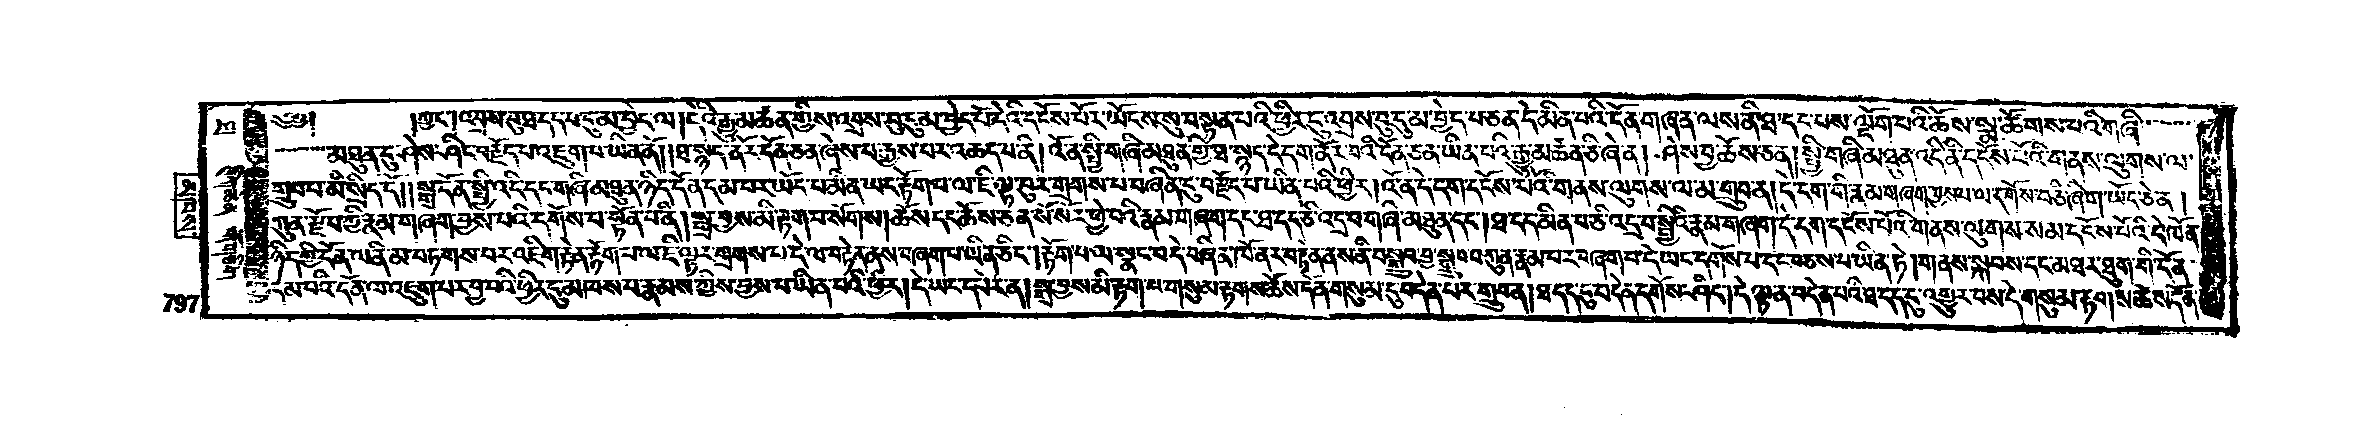༄༅། །ཀྱང་། འབྲས་བུ་ཐ་དད་པ་དུ་མ་བྱེད་ལ། དེའི་རྒྱུ་མཚན་གྱིས་འབྲས་བུ་དུ་མ་བྱེད་པོ་དེའི་དངོས་པོར་ཡོངས་སུ་བསྟན་པའི་ཕྱིར་དུ་འབྲས་བུ་དུ་མ་བྱེད་པ་ཅན་དེ་མིན་པའི་དོན་གཞན་ལས་ནི་ཐ་དད་པས་ལྡོག་པའི་ཆོས་སྣ་ཚོགས་པའི་གཞི་
མཐུན་དུ་ཤེས་ཤིང་བརྗོད་པ་འཇུག་པ་ཡིན་ནོ། །ཐ་སྙད་ནོར་དོན་ཅན་ཞེས་པ་རྒྱས་པར་འཆད་པ་ནི། འོ་ན་སྤྱི་གཞི་མཐུན་གྱི་ཐ་སྙད་དེ་དག་ནོར་བའི་དོན་ཅན་ཡིན་པའི་རྒྱུ་མཚན་ཅི་ཞེ་ན། ཤེས་བྱ་ཆོས་ཅན། སྤྱི་གཞི་མཐུན་འདི་ནི་དངོས་པོའི་གནས་ལུགས་ལ་
གྲུབ་པ་མི་སྲིད་དོ། །སྒྲ་དོན་སྤྱི་འདི་དང་གཞི་མཐུན་ཉིད་དོན་དམ་པར་ཡོད་པ་མིན་ཡང་རྟོག་པ་ལ་ཇི་ལྟ་བུར་གྲགས་པ་བཞིན་དུ་བརྗོད་པ་ཡིན་པའི་ཕྱིར། འོ་ན་དེ་དག་དངོས་པོའི་གནས་ལུགས་ལ་མ་གྲུབ་ན། དེ་དག་གི་རྣམ་གཞག་བྱས་པ་ལ་དགོས་པ་ཅི་ཞིག་ཡོད་ཅེ་ན།
ཀུན་རྫོབ་ཀྱི་རྣམ་གཞག་བྱས་པའི་དགོས་པ་སྟོན་པ་ནི། སྒྲ་བྱས་མི་རྟག་པ་སོགས། ཆོས་དང་ཆོས་ཅན་སོ་སོར་ཕྱེ་བའི་རྣམ་གཞག་དང་ཐ་དད་ཅི་འདྲ་བ་གཞི་མཐུན་དང་། ཐ་དད་མིན་པ་ཅི་འདྲ་བ་སྤྱིའི་རྣམ་གཞག་དེ་དག་དངོས་པོའི་གནས་ལུགས་སམ་དངོས་པོའི་དེ་ཁོ་ན་
ཉིད་ཀྱི་དོན་ལ་ནི་མ་བཏགས་པར་འཇིག་རྟེན་རྟོག་པ་ལ་ཇི་ལྟར་གྲགས་པ་དེ་ལ་བརྟེན་ནས་བཞག་པ་ཡིན་ཅིང་། རྟོག་པ་ལ་སྣང་བ་དེ་བཞིན་ཁོ་ནར་བརྟེན་ནས་ནི་བསྒྲུབ་བྱ་སྒྲུབ་པ་ཀུན་རྣམ་པར་བཞག་པ་དེ་ཡང་དགོས་པ་དང་བཅས་པ་ཡིན་ཏེ། གནས་སྐབས་དང་མཐར་ཐུག་གི་དོན་
དམ་པའི་དོན་ལ་འཇུག་པར་བྱ་བའི་ཕྱིར་དུ་མཁས་པ་རྣམས་ཀྱིས་བྱས་པ་ཡིན་པའི་ཕྱིར། དེ་ཡང་དཔེར་ན། སྒྲ་བྱས་མི་རྟག་པ་གསུམ་རྟགས་ཆོས་དོན་གསུམ་དུ་བདེན་པར་གྲུབ་ན། ཐ་དད་དུ་བདེན་དགོས་ཤིང་། དེ་ལྟ་ན་བདེན་པའི་ཐ་དད་དུ་འགྱུར་བས་དེ་གསུམ་རྟགས་ཆོས་དོན་